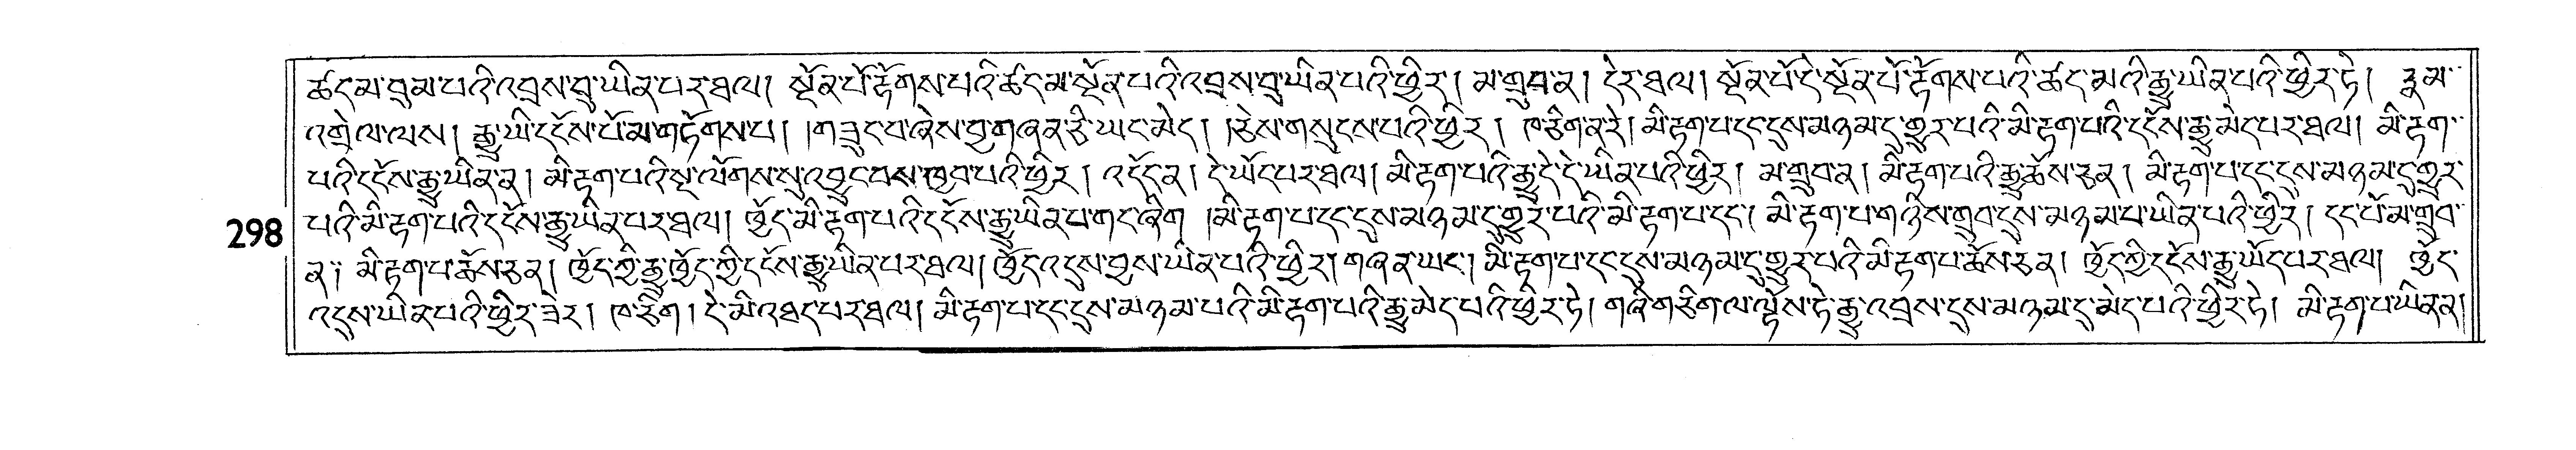ཚད་མ་བུམ་པའི་འབྲས་བུ་ཡིན་པར་ཐལ། སྔོན་པོ་རྟོགས་པའི་ཚད་མ་སྔོན་པའི་འབྲས་བུ་ཡིན་པའི་ཕྱིར། མ་གྲུབ་ན། དེར་ཐལ། སྔོན་པོ་དེ་སྔོན་པོ་རྟོགས་པའི་ཚད་མའི་རྒྱུ་ཡིན་པའི་ཕྱིར་ཏེ། རྣམ་
འགྲེལ་ལས། རྒྱུ་ཡི་དངོས་པོ་མ་གཏོགས་པ། །གཟུང་བ་ཞེས་བྱ་གཞན་ཅི་ཡང་མེད། །ཅེས་གསུངས་པའི་ཕྱིར། ཁ་ཅིག་ན་རེ། མི་རྟག་པ་དང་དུས་མཉམ་དུ་གྱུར་པའི་མི་རྟག་པའི་དངོས་རྒྱུ་མེད་པར་ཐལ། མི་རྟག་
པའི་དངོས་རྒྱུ་ཡིན་ན། མི་རྟག་པའི་སྔ་ལོགས་སུ་འབྱུང་བས་ཁྱབ་པའི་ཕྱིར། འདོད་ན། དེ་ཡོད་པར་ཐལ། མི་རྟག་པའི་རྒྱུ་དེ་དེ་ཡིན་པའི་ཕྱིར། མ་གྲུབ་ན། མི་རྟག་པའི་རྒྱུ་ཆོས་ཅན། མི་རྟག་པ་དང་དུས་མཉམ་དུ་གྱུར་
པའི་མི་རྟག་པའི་དངོས་རྒྱུ་ཡིན་པར་ཐལ། ཁྱོད་མི་རྟག་པའི་དངོས་རྒྱུ་ཡིན་པ་གང་ཞིག །མི་རྟག་པ་དང་དུས་མཉམ་དུ་གྱུར་པའི་མི་རྟག་པ་དང་། མི་རྟག་པ་གཉིས་གྲུབ་དུས་མཉམ་པ་ཡིན་པའི་ཕྱིར། དང་པོ་མ་གྲུབ་
ན༑ མི་རྟག་པ་ཆོས་ཅན། ཁྱོད་ཀྱི་རྒྱུ་ཁྱོད་ཀྱི་དངོས་རྒྱུ་ཡིན་པར་ཐལ། ཁྱོད་འདུས་བྱས་ཡིན་པའི་ཕྱིར། གཞན་ཡང་། མི་རྟག་པ་དང་དུས་མཉམ་དུ་གྱུར་པའི་མི་རྟག་པ་ཆོས་ཅན། ཁྱོད་ཀྱི་དངོས་རྒྱུ་ཡོད་པར་ཐལ། ཁྱོད་
འདུས་ཡིན་པའི་ཕྱིར་ཟེར། ཁ་ཅིག །དེ་མི་འཐད་པར་ཐལ། མི་རྟག་པ་དང་དུས་མཉམ་པའི་མི་རྟག་པའི་རྒྱུ་མེད་པའི་ཕྱིར་ཏེ། གཞི་གཅིག་ལ་ལྟོས་ཏེ་རྒྱུ་འབྲས་དུས་མཉམ་དུ་མེད་པའི་ཕྱིར་ཏེ། མི་རྟག་པ་ཡིན་ན།